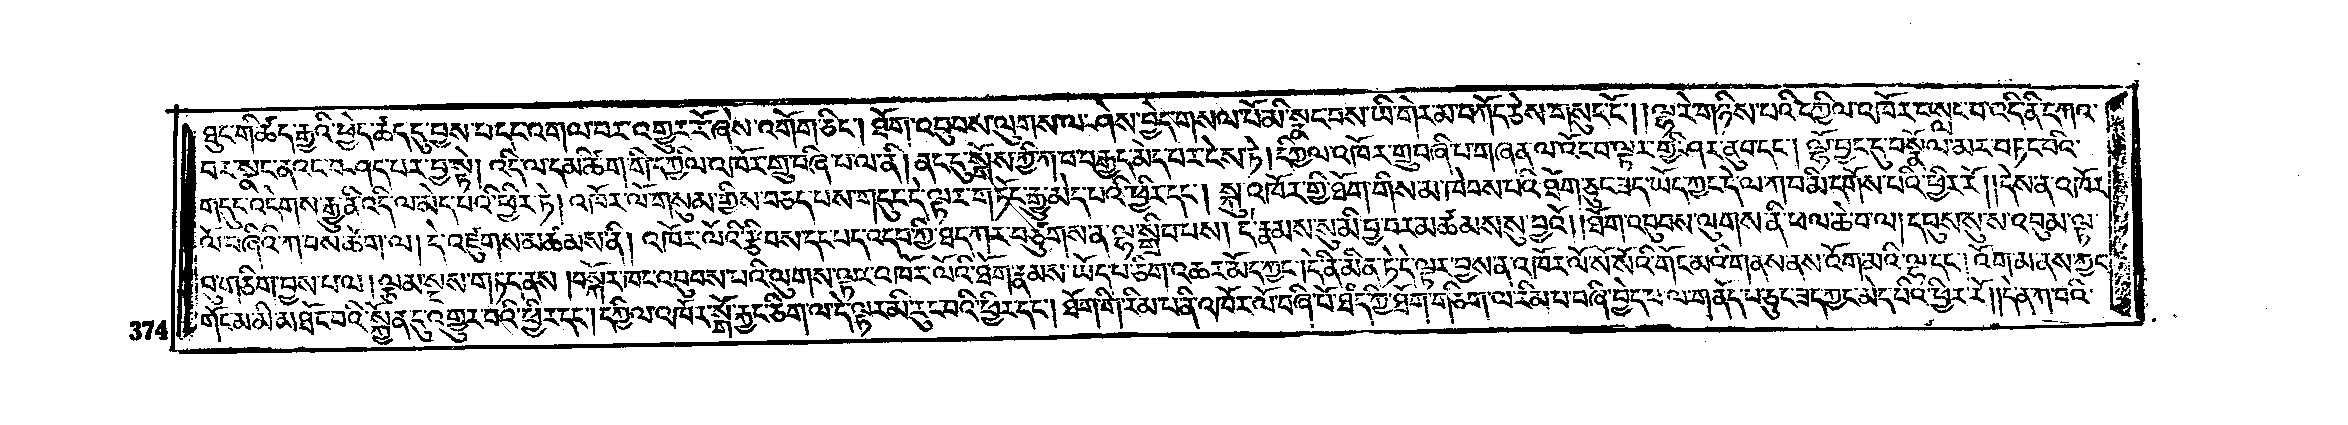ཐུང་གི་ཚད་རྒྱའི་ཕྱེད་ཚད་དུ་བྱས་པ་དང་འགལ་བར་འགྱུར་རོ་ཞེས་འགོག་ཅིང་། ཐོག་འབུབས་ལུགས་ལ་ཤེས་བྱེད་གསལ་པོ་མི་སྣང་བས་ཡི་གེར་མ་བཀོད་ཅེས་གསུང་ངོ། །ལྷ་རེ་གཉིས་པའི་དཀྱིལ་འཁོར་བསླང་བ་འདི་ནི་དཀའ་
བར་སྣང་ནའང་བཤད་པར་བྱ་སྟེ། འདི་ལ་དམ་ཚིག་གི་དཀྱིལ་འཁོར་གྲུ་བཞི་པ་ལ་ནི། ནང་དུ་སྒོས་ཀྱི་ཀ་བ་བརྒྱད་མེད་པར་ངེས་ཏེ། དཀྱིལ་འཁོར་གྲུ་བཞི་པ་གཞན་ལ་འོང་བ་ལྟར་གྱི་ཤར་ནུབ་དང་། ལྷོ་བྱང་དུ་བསྣོལ་མར་བཏང་བའི་
གདུང་འདེགས་རྒྱུ་ནི་འདི་ལ་མེད་པའི་ཕྱིར་ཏེ། འཁོར་ལོ་གསུམ་གྱིས་བཅད་པས་གདུང་དེ་ལྟར་གཏོང་རྒྱུ་མེད་པའི་ཕྱིར་དང་། སྐུ་འཁོར་གྱི་ཐོག་གིས་མ་ཁེབས་པའི་ཐོག་ཅུང་ཟད་ཡོད་ཀྱང་དེ་ལ་ཀ་བ་མི་དགོས་པའི་ཕྱིར་རོ། །དེས་ན་འཁོར་
ལོ་བཞིའི་ཀ་བས་ཆོག་ལ། དེ་འཛུགས་མཚམས་ནི། འཁོར་ལོའི་རྩིབས་དང་པད་འདབ་ཀྱི་ཐད་ཀར་བཙུགས་ན་ལྷ་སྒྲིབ་པས། དེ་རྣམས་སུ་མི་བྱ་བར་མཚམས་སུ་བྱའོ། །ཐོག་འབུབས་ལུགས་ནི་ཕལ་ཆེ་བ་ལ། དབུས་སུ་ས་འབུམ་ལྟ་
བུ་གཅིག་བྱས་པ་ལ། ལྕམ་སྔས་གཏད་ནས། བསྐོར་ཁང་འབུབས་པའི་ལུགས་ལྟར་འཁོར་ལོའི་ཐོག་རྣམས་ཡོད་པ་ཅིག་འཆར་མོད་ཀྱང་། དེ་ནི་མིན་ཏེ་དེ་ལྟར་བྱས་ན་འཁོར་ལོ་སོ་སོའི་གོང་མའི་གནས་ནས་འོག་མའི་ལྷ་དང་། འོག་མ་ནས་ཀྱང་
གོང་མ་མི་མཐོང་བའི་སྐྱོན་དུ་འགྱུར་བའི་ཕྱིར་དང་། དཀྱིལ་འཁོར་སྒོ་རྒྱང་ཅིག་ལ་དེ་ལྟར་མི་རུང་བའི་ཕྱིར་དང་། ཐོག་གི་རིམ་པ་ནི་འཁོར་ལོ་བཞི་པོ་ཐམས་ཅད་ཀྱི་ཐོག་གཅིག་ལ་རིམ་པ་བཞི་བྱེད་པ་ལ་གནོད་པ་ཅུང་ཟད་ཀྱང་མེད་པའི་ཕྱིར་རོ། །དེ་ན་ཀ་བའི་